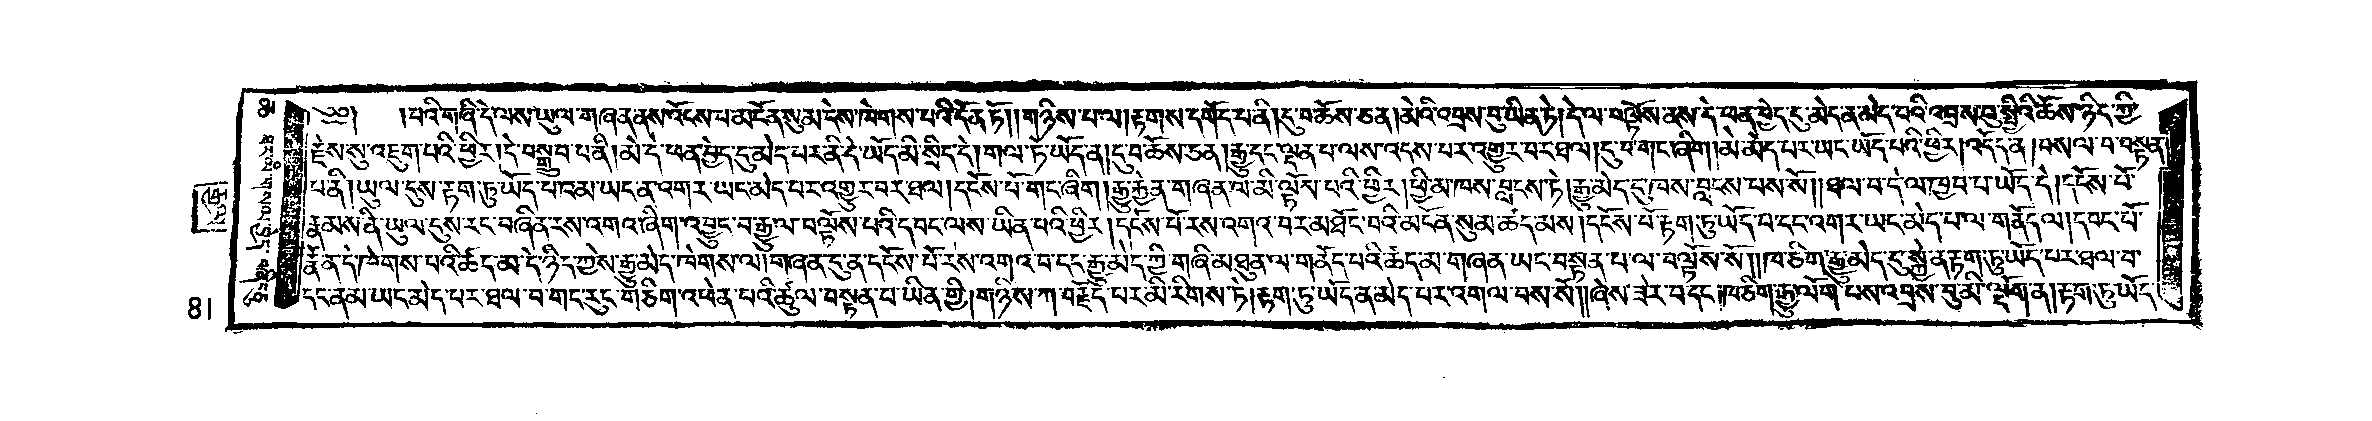༄༅། །པའི་གཞི་དེ་ལས་ཡུལ་གཞན་ནས་འོངས་པ་མངོན་སུམ་དེས་ཁེགས་པའི་དོན་ཏོ། །གཉིས་པ་ལ། རྟགས་དགོད་པ་ནི། དུ་བ་ཆོས་ཅན། མེའི་འབྲས་བུ་ཡིན་ཏེ། དེ་ལ་བལྟོས་ནས་དེ་ཕན་བྱེད་དུ་མེད་ན་མེད་པའི་འབྲས་བུ་སྤྱིའི་ཆོས་ཉིད་ཀྱི་
རྗེས་སུ་འཇུག་པའི་ཕྱིར། དེ་བསྒྲུབ་པ་ནི། མེད་དེ་ཕན་བྱེད་དུ་མེད་པར་ནི་དེ་ཡོད་མི་སྲིད་དེ། གལ་ཏེ་ཡོད་ན། དུ་བ་ཆོས་ཅན། རྒྱུ་དང་ལྡན་པ་ལས་འདས་པར་འགྱུར་བར་ཐལ། དུ་བ་གང་ཞིག །མེ་མེད་པར་ཡང་ཡོད་པའི་ཕྱིར། འདོད་ན། བསལ་བ་བསྟན་
པ་ནི། ཡུལ་དུས་རྟག་ཏུ་ཡོད་པའམ་ཡང་ན་འགར་ཡང་མེད་པར་འགྱུར་བར་ཐལ། དངོས་པོ་གང་ཞིག །རྒྱུ་རྐྱེན་གཞན་ལ་མི་ལྟོས་པའི་ཕྱིར། ཕྱི་མ་ཁས་བླངས་ཏེ། རྒྱུ་མེད་དུ་ཁས་བླངས་པས་སོ། །ཐལ་བ་དེ་ལ་ཁྱབ་པ་ཡོད་དེ། དངོས་པོ་
རྣམས་ནི་ཡུལ་དུས་རང་བཞིན་རས་འགའ་ཞིག་འབྱུང་བ་རྒྱུ་ལ་བལྟོས་པའི་དབང་ལས་ཡིན་པའི་ཕྱིར། དངོས་པོ་རས་འགའ་བར་མཐོང་བའི་མངོན་སུམ་ཚད་མས། དངོས་པོ་རྟག་ཏུ་ཡོད་པ་དང་འགར་ཡང་མེད་པ་ལ་གནོད་ལ། དབང་པོ་
རྣོ་ན་དེ་ཁེགས་པའི་ཚད་མ་དེ་ཉིད་ཀྱིས་རྒྱུ་མེད་ཁེགས་ལ། གཞན་དུ་ན་དངོས་པོ་རེས་འགའ་བ་དང་རྒྱུ་མེད་ཀྱི་གཞི་མཐུན་ལ་གནོད་པའི་ཚད་མ་གཞན་ཡང་བསྟན་པ་ལ་བལྟོས་སོ། །ཁ་ཅིག་རྒྱུ་མེད་དུ་སྐྱེ་ན་རྟག་ཏུ་ཡོད་པར་ཐལ་བ་
དང་ནམ་ཡང་མེད་པར་ཐལ་བ་གང་རུང་གཅིག་འཕེན་པའི་ཚུལ་བསྟན་པ་ཡིན་གྱི། གཉིས་ཀ་བརྗོད་པར་མི་རིགས་ཏེ། རྟག་ཏུ་ཡོད་ན་མེད་པར་འགལ་བས་སོ། །ཞེས་ཟེར་བ་དང་། ཁ་ཅིག་རྒྱུ་ལོག་པས་འབྲས་བུ་མི་ལྡོག་ན། རྟག་ཏུ་ཡོད་